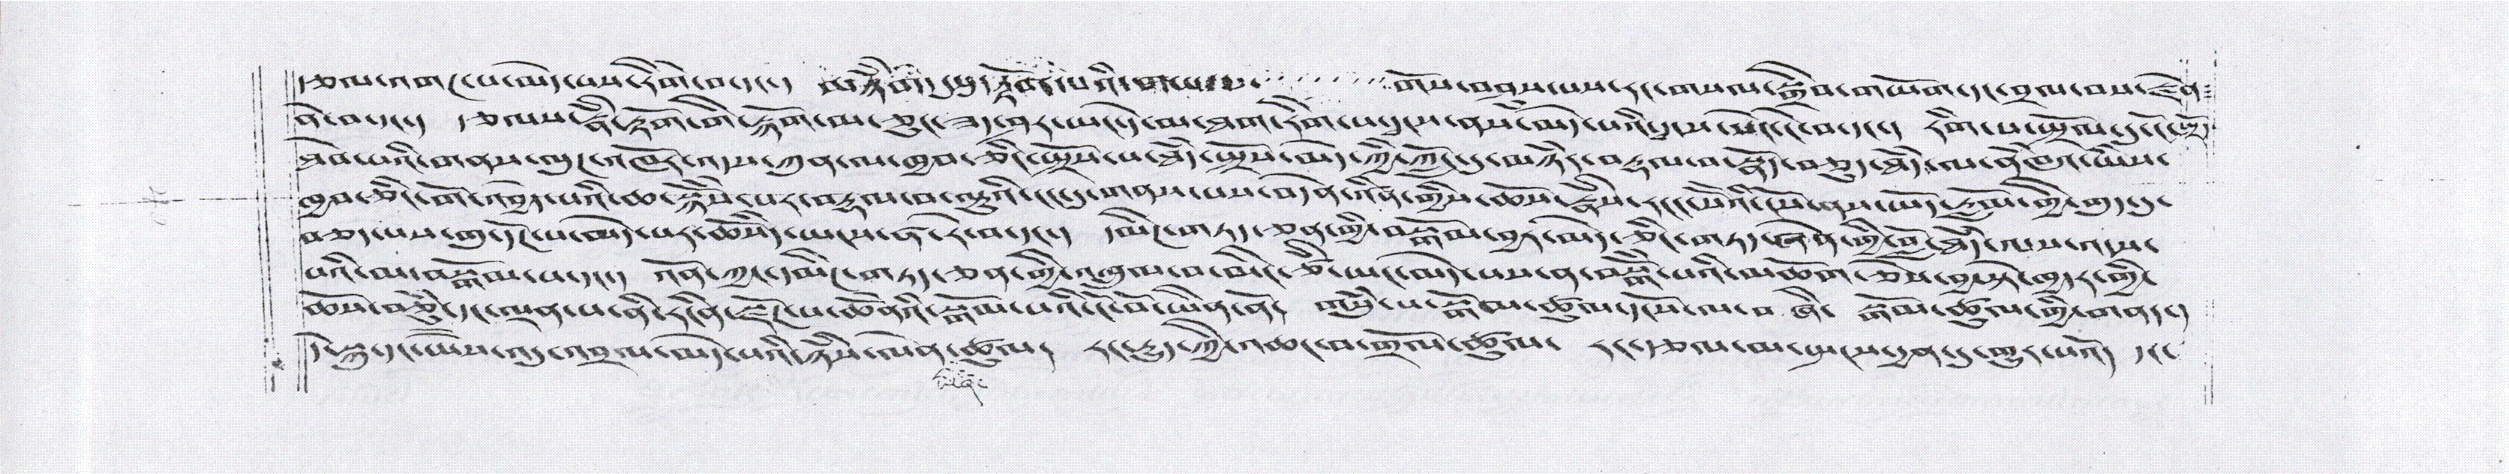རྩལ་འགག་པ་མེད་པས་རིག་གེ་བ་དང་། མཉམ་གཞག་དུས་སུ་རྟོག་པའི་གཡང་ས་གོས་བཤུས་པས་རང་གསལ་སྒྲིབ་གཡོགས་དང་བྲལ་བས་རྗེན་
ནེ་བ་དང་། རྩལ་ལས་རྣམ་རྟོག་གི་རྙོག་མ་ཅུང་ཟད་ཤར་ཡང་དེ་མ་ཐག་རིག་པ་དྭངས་ནས་མེད་པའི་དྭངས་སང་ངེ་བ་དང་། རིག་པ་སྤྲོས་བྲལ་དུ་ངོ་སྤྲོད་
ཐེབས་པའི་གནས་ལུགས་འཁོར་འདས་ཀུན་ལ་ཁྱབ་ཅིང་སྤྲོས་པ་ཐམས་ཅད་སྤྲོས་མེད་ཀྱི་ཀློང་དུ་མཉམ་པར་བརྡལ་བ་སྣོད་བཅུད་ཐམས་ཅད་ནམ་མཁའ་ཡིས་
ཁྱབ་ཅིང་གོ་འབྱེད་པའི་ཆ་སྙོམས་པར་བརྡལ་བ་ལྟ་བུའི་ངང་དུ་གནས་པས་བདེན་འཛིན་གྱིས་ཆོས་རྣམས་རང་རང་སོ་སོའི་ངོས་ནས་ཡོད་རློམ་གྱི་གུད་དུ་
བཅད་པས་གུ་དོག་པ་མེད་པར་ཆོས་ཉིད་ཡངས་ཧ་རེ་བ་དང་། དམིགས་གཏད་ཅན་གྱི་སྒོམ་བྱར་མེད་ཅིང་གཏད་ཞེན་གྱི་བློ་ཐམས་ཅད་ལས་འདས་
པའི་མ་བསྒོམ་པ་དང་། འོན་ཀྱང་དམིགས་གཏད་ཅན་གྱི་འཁྲུལ་པ་མིང་ཙམ་ཡང་མེད་པས་སྒོམ་པའི་མཆོག་ཅེས་བྱ་སྟེ་ཁྱད་པར་གྱི་
ཆོས་བཅུ་གསུམ་དང་ལྡན་པ་ནི་རང་བཞིན་རྫོགས་པ་ཆེན་པོའི་སྒོམ་པའི་ངོ་བོ་ཡིན་ནོ། གསུམ་པ་སྒོམ་ཚུལ་དངོས་ལ་བཞི། སྒོམ་ཚུལ་གྱི་གནད། 
དེ་སྐུ་དང་ཡེ་ཤེས་འདུ་འབྲལ་མེད་པའི་ཉམས་ལེན་ཡིན་ཚུལ། རང་རྒྱུད་ཀྱི་འཆིང་བ་གྲོལ་ཚུལ། རང་རྩལ་མ་སྤང་རྒྱན་དུ་གྱུར་པའོ། དང་